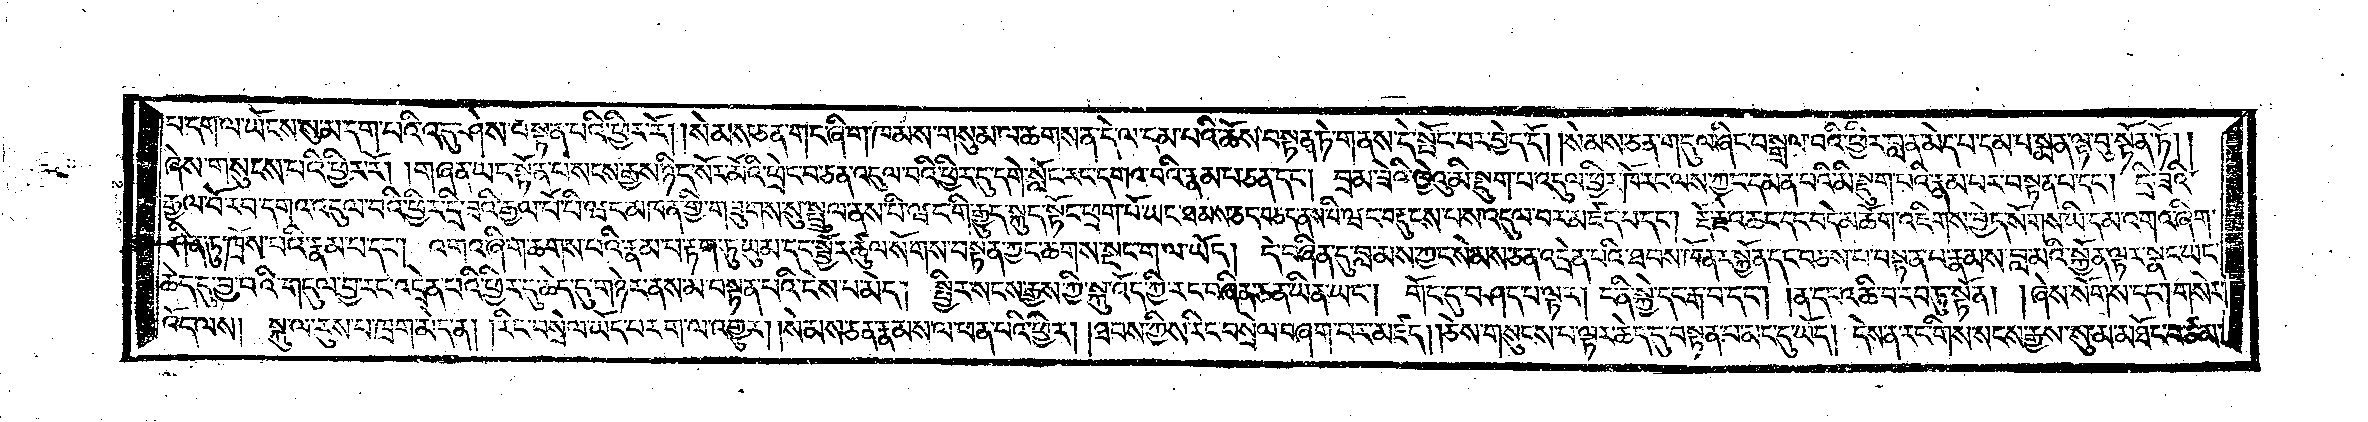བདག་ལ་ཡོངས་སུ་མ་དག་པའི་འདུ་ཤེས་བསྟན་པའི་ཕྱིར་རོ། །སེམས་ཅན་གང་ཞིག་ཁམས་གསུམ་ལ་ཆགས་ན་དེ་ལ་དམ་པའི་ཆོས་བསྟན་ཏེ་གནས་དེ་སྤོང་བར་བྱེད་དོ། །སེམས་ཅན་གདུལ་ཞིང་བསྒྲལ་བའི་ཕྱིར་བླ་ན་མེད་པ་དམ་པ་སྨན་ལྟ་བུ་སྟོན་ཏོ།།
ཞེས་གསུངས་པའི་ཕྱིར་རོ། །གཞན་ཡང་སྟོན་པ་སངས་རྒྱས་ཉིད་སོར་མོའི་ཕྲེང་བ་ཅན་འདུལ་བའི་ཕྱིར་དུ་དགེ་སློང་རང་དགའ་བའི་རྣམ་པ་ཅན་དང་། བྲམ་ཟེའི་ཁྱེའུ་མི་སྡུག་པ་འདུལ་ཕྱིར་ཁོ་རང་ལས་ཀྱང་དམན་པའི་མི་སྡུག་པའི་རྣམ་པར་བསྟན་པ་དང་། དྲི་ཟའི་
རྒྱལ་བོ་རབ་དགའ་འདུལ་བའི་ཕྱིར་དྲི་ཟའི་རྒྱལ་པོ་པི་ཝང་མཁན་གྱི་གཟུགས་སུ་སྤྲུལ་ནས་པི་ཝང་གི་རྒྱུད་སྐུད་སྟོང་ཕྲག་པོ་ཡང་ཐམས་ཅད་བཅད་ནས་པི་ཝང་བརྡུངས་པས་འདུལ་བར་མཛད་པ་དང་། རྡོ་རྗེ་འཆང་དང་བདེ་མཆོག་འཇིགས་བྱེད་སོགས་ཡི་དམ་འགའ་ཞིག་
ཤིན་ཏུ་ཁྲོས་པའི་རྣམ་པ་དང་། འགའ་ཞིག་ཆགས་པའི་རྣམ་པ་རྟག་ཏུ་ཡུམ་དང་སྦྱོར་ཚུལ་སོགས་བསྟན་ཀྱང་ཆགས་སྡང་ག་ལ་ཡོད། དེ་བཞིན་དུ་བླ་མས་ཀྱང་སེམས་ཅན་འདྲེན་པའི་ཐབས་ཁོ་ནར་སྐྱོན་དང་བཅས་པ་བསྟན་པ་རྣམས་བླ་མའི་སྐྱོན་ལྟར་སྣང་ཡང་
ཆེད་དུ་བྱ་བའི་གདུལ་བྱ་རང་འདྲེན་པའི་ཕྱིར་དུ་ཆེད་དུ་གཉེར་ནས་མ་བསྟན་པའི་ངེས་པ་མེད། སྤྱིར་སངས་རྒྱས་ཀྱི་སྐུ་འོད་ཀྱི་རང་བཞིན་ཅན་ཡིན་ཡང་། གོང་དུ་བཤད་པ་ལྟར། ང་ནི་སྐྱེ་དང་རྒ་བ་དང་། །ན་དང་འཆི་བ་རབ་ཏུ་སྟོན། །ཞེས་སོགས་དང་། གསེར་
འོད་ལས། སྐུ་ལ་རུས་པ་ཁྲག་མེད་ན། །རིང་བསྲེལ་ཡོད་པར་ག་ལ་འགྱུར། །སེམས་ཅན་རྣམས་ལ་ཕན་པའི་ཕྱིར། །ཐབས་ཀྱིས་རིང་བསྲེལ་བཞག་པར་མཛད། །ཅེས་གསུངས་པ་ལྟར་ཆེད་དུ་བསྟན་པ་མང་དུ་ཡོད། དེས་ན་རང་གིས་སངས་རྒྱས་སུ་མ་མཐོང་བ་ཙམ་